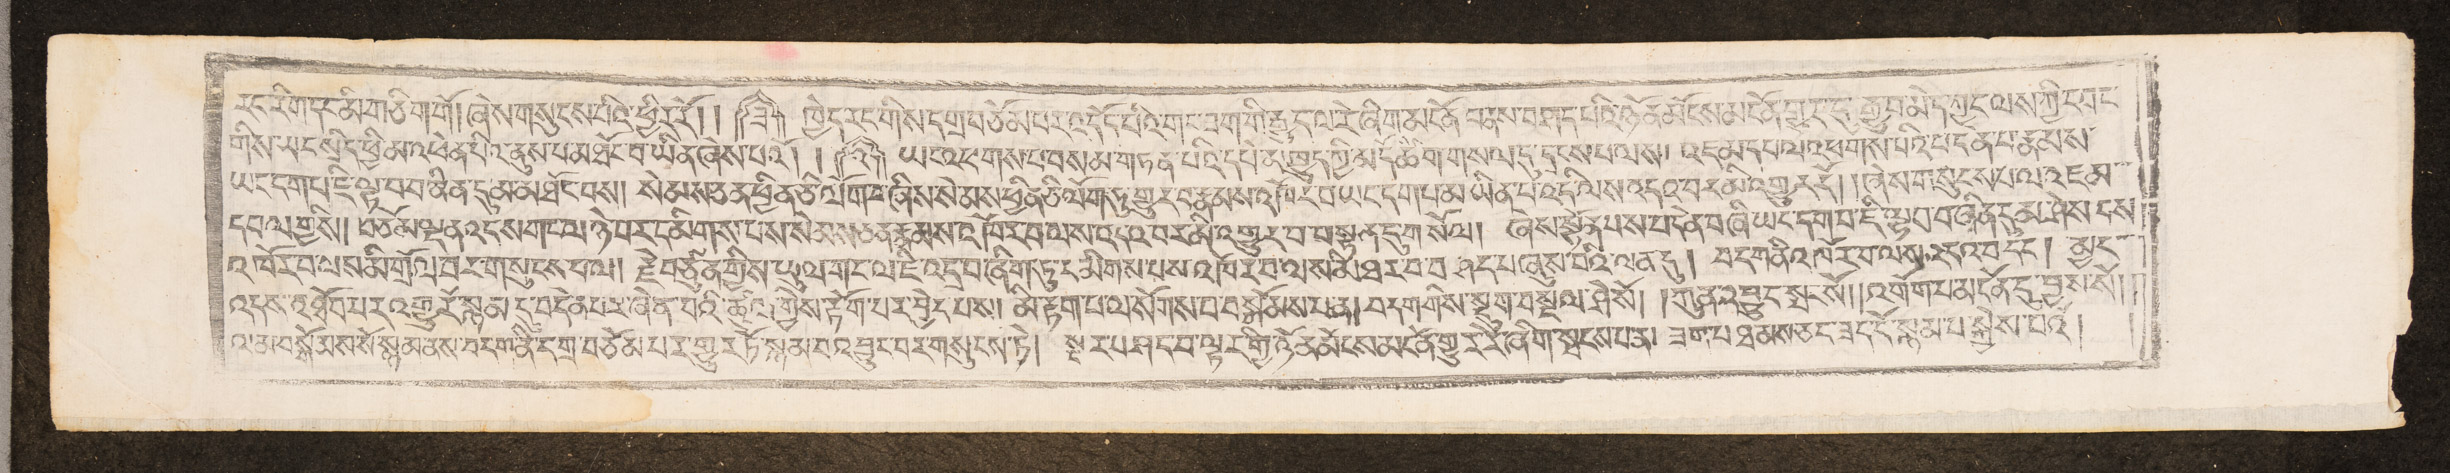རང་རིག་དམ་མི་གཅིག་གོ། །ཞེས་གསུངས་པའི་ཕྱིར་རོ།། ༼༽ཟ༼༽ ཁྱེད་རང་གིས་དགྲ་བཅོམ་པར་འདོད་པའི་གང་ཟག་གི་རྒྱུད་ལ་རེ་ཞིག་མངོན་པ་ནས་བཤད་པའི་ཉོན་མོངས་མངོན་གྱུར་དུ་རྒྱུ་བ་མེད་ཀྱང་ལས་ཀྱི་དབང་
གིས་ཡང་སྲིད་ཕྱི་མ་འཕེན་པའི་ནུས་པ་མཐོང་བ་ཡིན་ཞེས་པའོ། །༼༽འ༼༽ ཡང་འཕགས་པ་བསམ་གཏན་པའི་དཔེ་མ་ཁྱད་ཀྱི་མདོ་ཚིག་གསལ་དུ་དྲངས་པ་ལས། འཇམ་དཔལ་འཕགས་པའི་བདེན་པ་རྣམས་
ཡང་དག་པ་ཇི་ལྟ་བ་བཞིན་དུ་མ་མཐོང་བས། སེམས་ཅན་ཕྱིན་ཅི་ལོག་བཞིས་སེམས་ཕྱིན་ཅི་ལོག་ཏུ་གྱུར་པ་རྣམས་འཁོར་བ་ཡང་དག་པ་མ་ཡིན་པ་འདི་ལས་འདའ་བར་མི་འགྱུར་རོ། །ཞེས་གསུངས་པ་ལ་འཇམ་
དཔལ་གྱིས། བཅོམ་ལྡན་འདས་གང་ལ་ཉེ་བར་དམིགས་པས་སེམས་ཅན་རྣམས་འཁོར་བ་ལས་འདའ་བར་མི་འགྱུར་བ་བསྟན་དུ་གསོལ། །ཞེས་སྟོན་པས་བདེན་བཞི་ཡང་དག་པ་ཇི་ལྟ་བ་བཞིན་དུ་མ་ཤེས་པས་
འཁོར་བ་ལས་མི་གྲོལ་བར་གསུངས་པ་ལ། རྗེ་བཙུན་གྱིས་ཡུལ་གང་ལ་ཇི་འདྲ་བ་ཞིག་ཏུ་དམིགས་པས་འཁོར་བ་ལས་མ་ཐར་བ་བཤད་པ་ཞུས་པའི་ལན་དུ། བདག་ནི་འཁོར་བ་ལས་འདའ་བ་དང་། མྱང་
འདས་འཐོབ་པར་འགྱུར་རོ་སྙམ་དུ་བདེན་པར་ཞེན་པའི་ཚུལ་གྱིས་རྟོག་པར་བྱེད་པས། མི་རྟག་པ་ལ་སོགས་པ་བསྒོམས་པ་ན། བདག་གིས་སྡུག་བསྔལ་ཤེ་སོ། ཀུན་འབྱུང་སྤང་སོ། །འགོག་པ་མངོན་དུ་བྱས་སོ།།
ལམ་བསྒོམས་སོ་སྙམ་ནས་བདག་ནི་དགྲ་བཅོམ་པར་གྱུར་ཏོ་སྐམ་པ་འབྱུང་བར་གསུངས་ཏེ། སྔར་བཤད་པ་ལྟར་གྱི་ཉོན་མོངས་མངོན་གྱུར་རེ་ཞིག་སྤངས་པ་ན། ཟག་པ་ཐམས་ཅད་དོ་སྙམ་པ་སྐྱེས་པའོ།